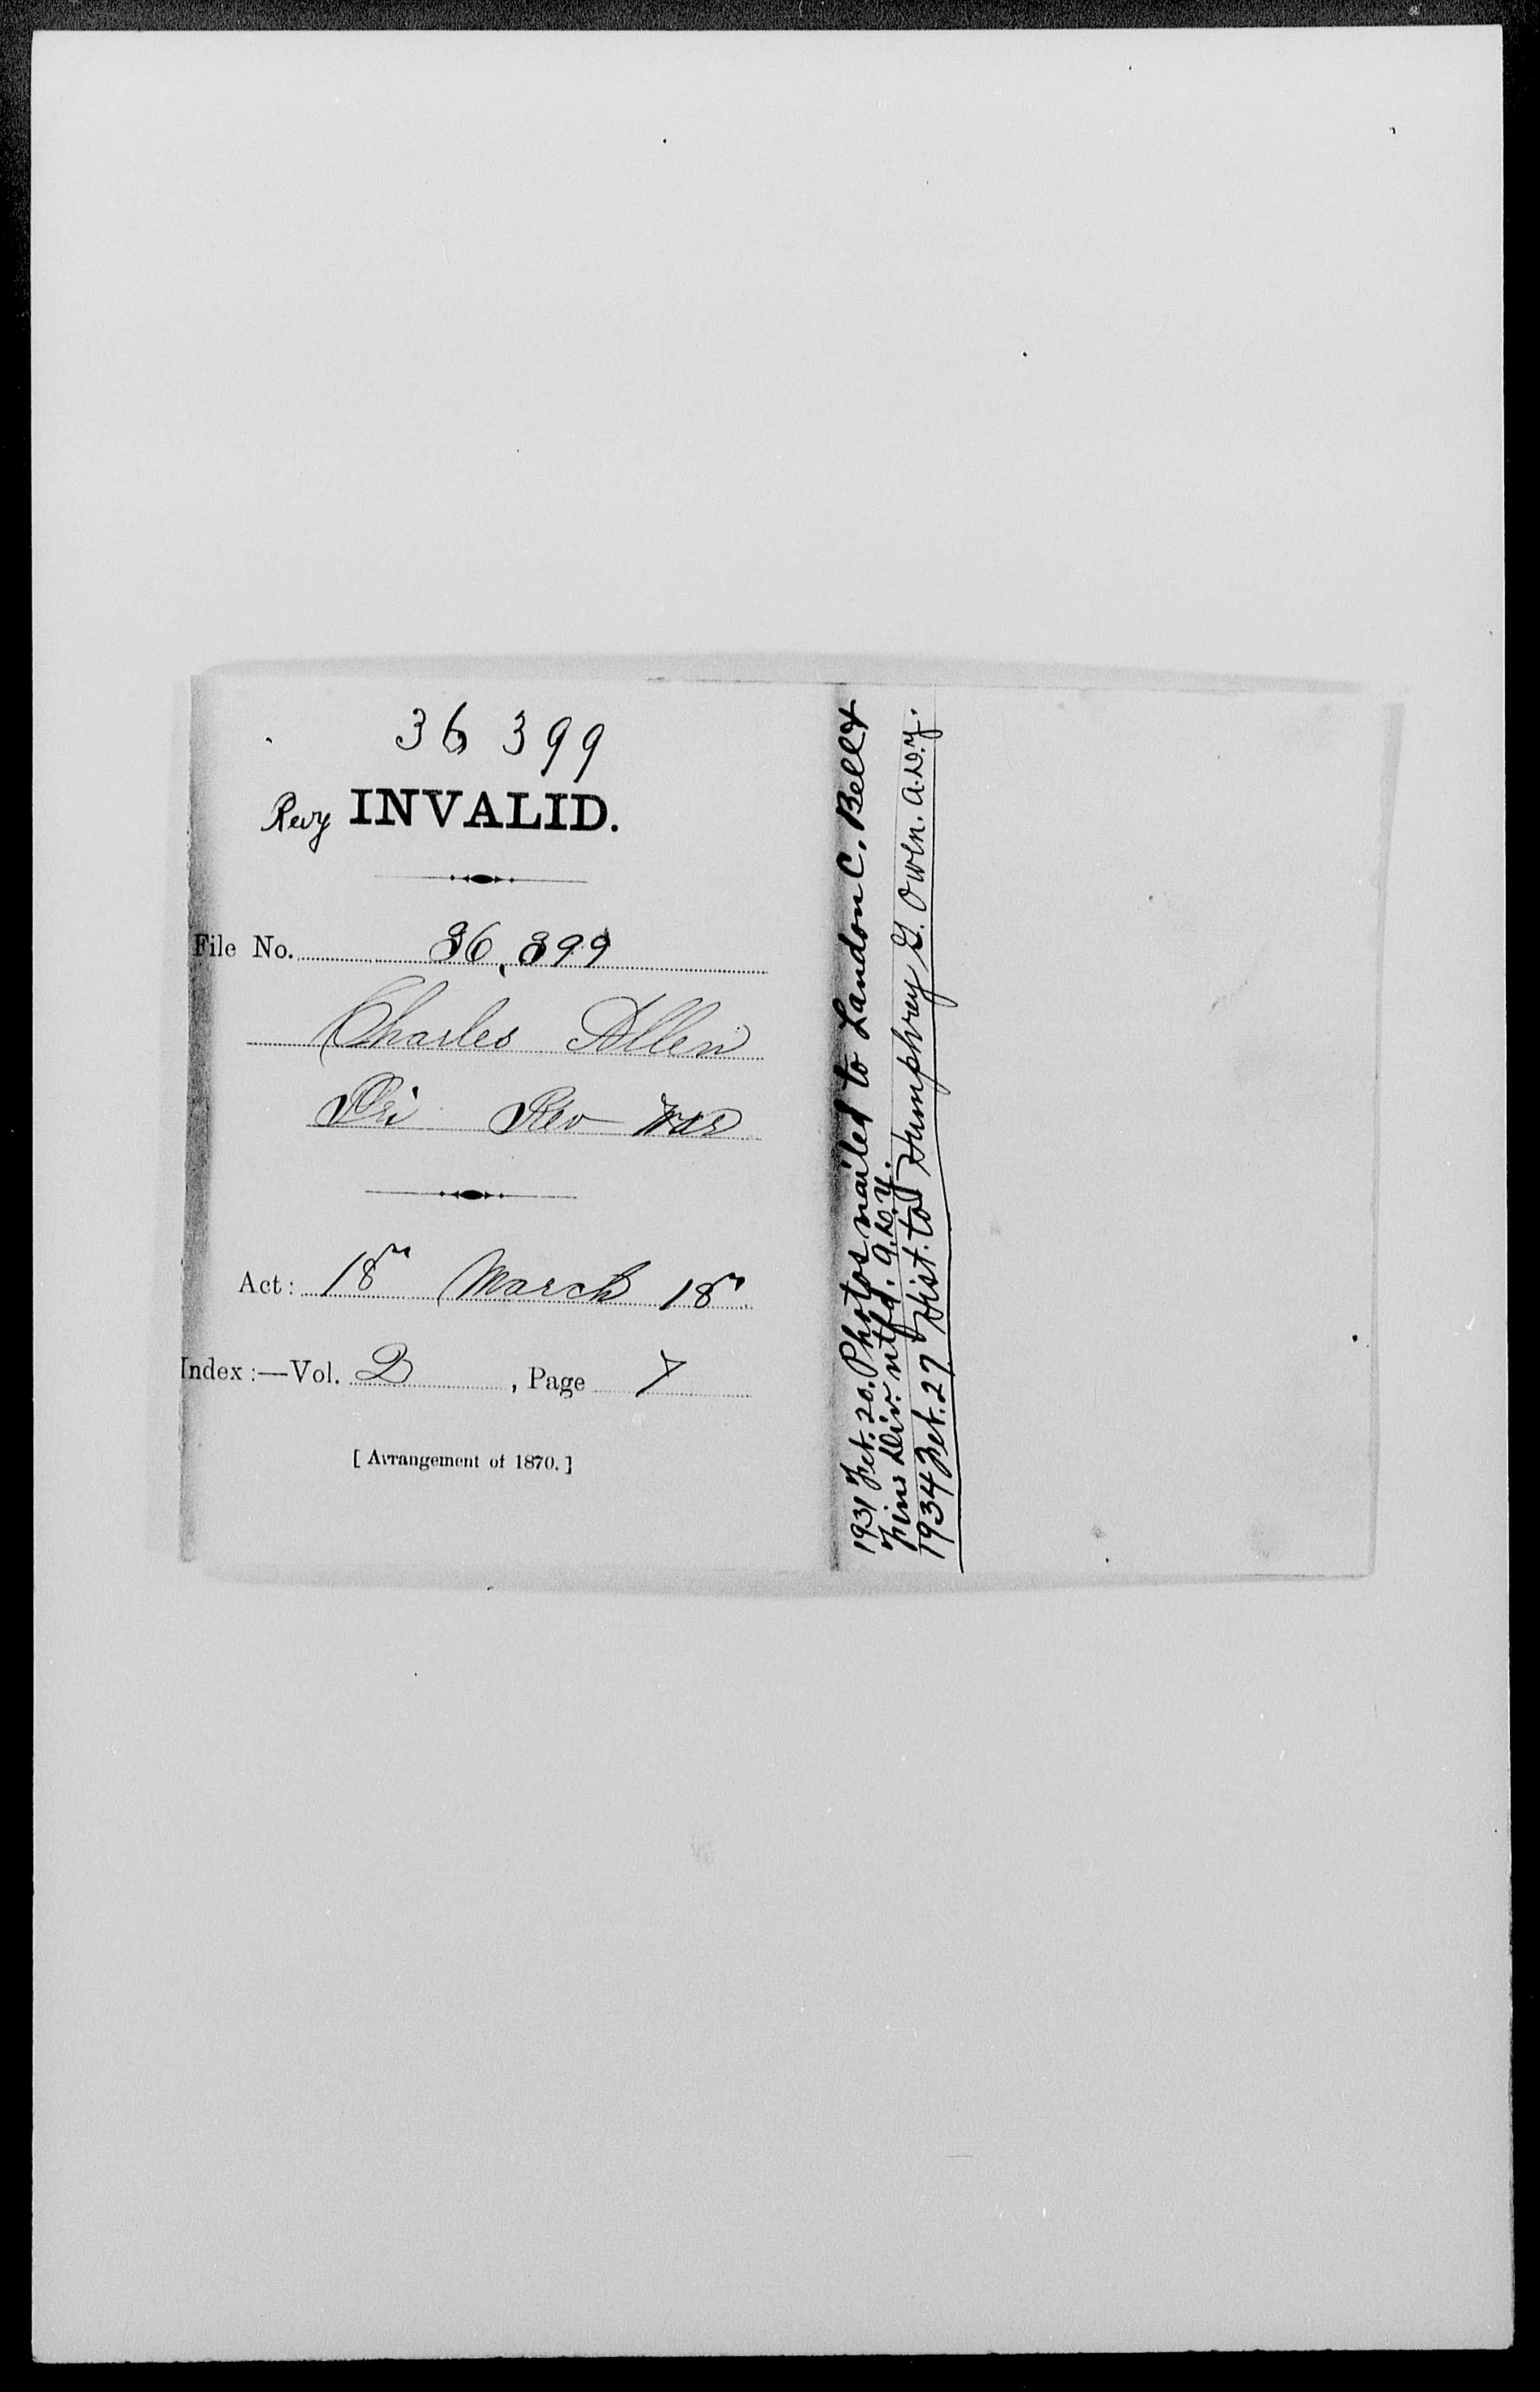36399

INVALID

File No. 36,399
Charles Allen
Revolutionary War

Act: 18th March 18

Index: Vol. D, Page 7

[ Arrangement of 1870. ]

1931 September 20. Photos mailed to Landau Co. First Div. notified 9. RD. Y.
1934 February 27, Hist. to Humphrey G. Owen A. N. Y.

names: Charles Allen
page: 14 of 22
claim: survivor's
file: S. 36399, Charles Allen, Va.